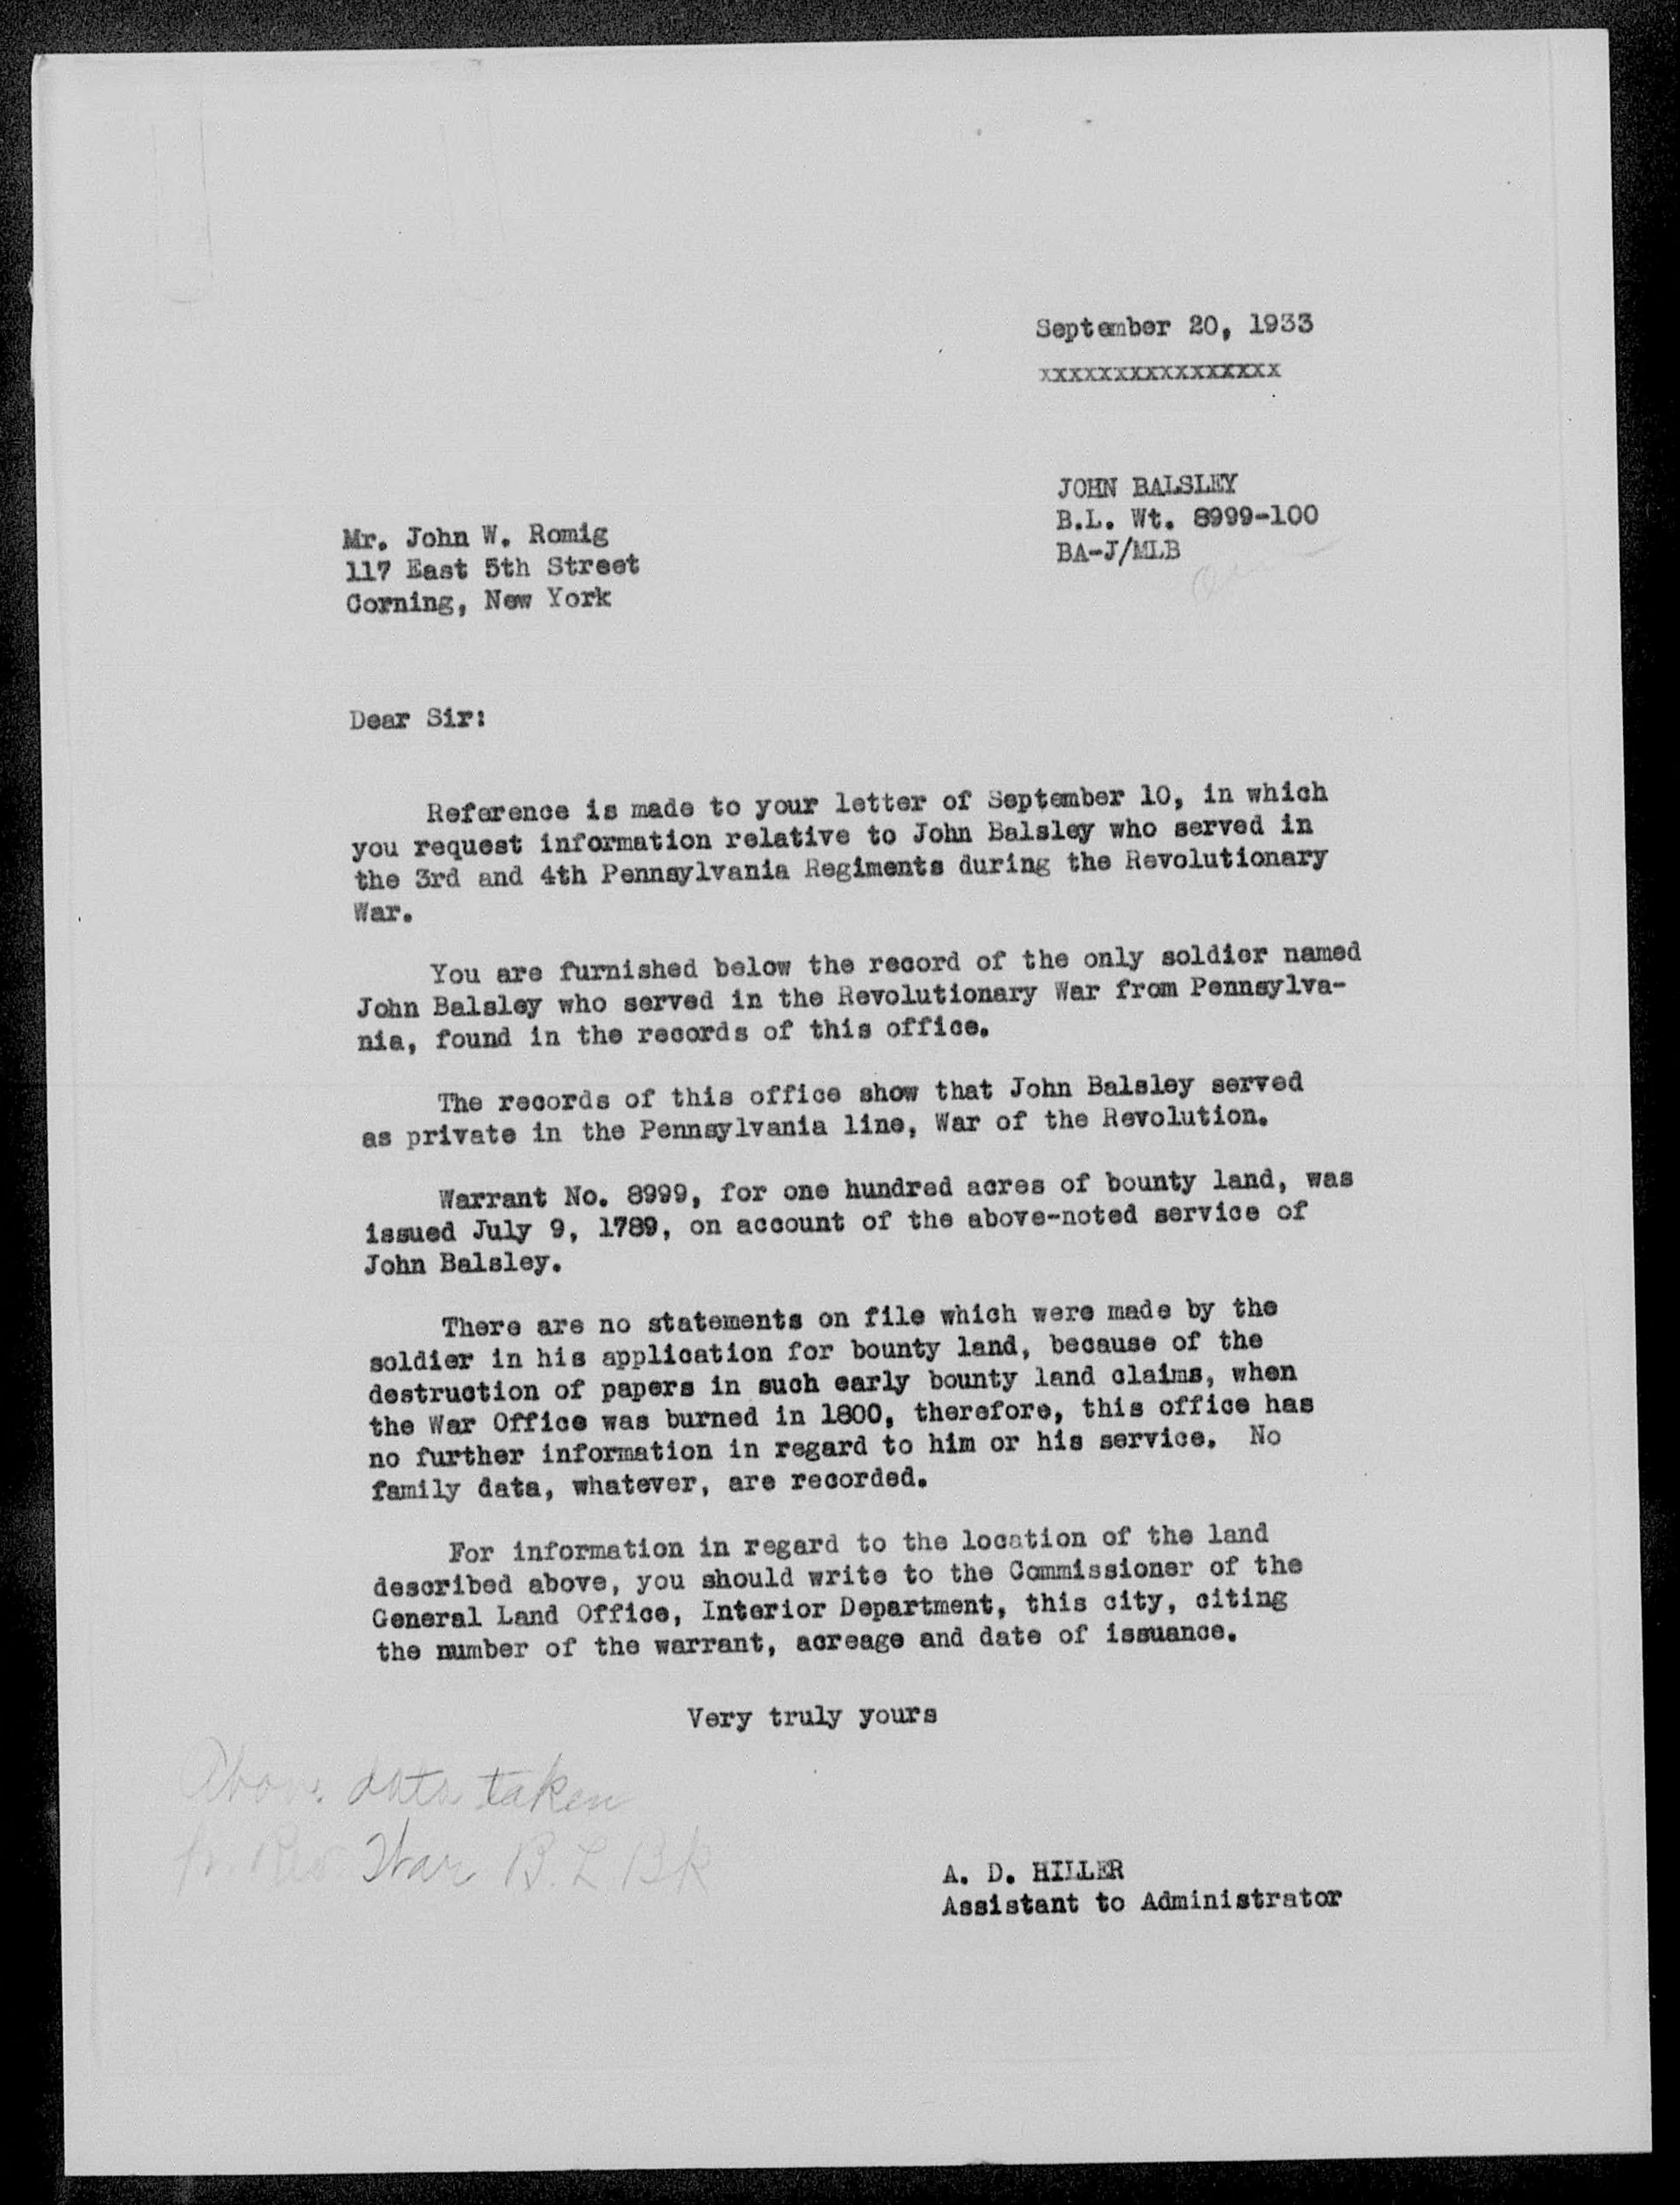Mr. John W. Romig
117 East 5th Street
Corning, New York
September 20, 1933
XXXXXXXXXXXXXXXX
JOHN BALSLEY
B. L. Wt. 8999 - 100
BA-J/MLB

Dear Sir:

Reference is made to your letter of September 10, in which you request information relative to John Balsley who served in the 3rd and 4th Pennsylvania Regiments during the Revolutionary War.

You are furnished below the record of the only soldier named John Balsley who served in the Revolutionary War from Pennsylvania
, found in the records of this office.
The records of this office show that John Balsley served as private in the Pennsylvania line, War of the Revolution.
Warrant No. 8999, for one hundred acres of bounty land, was issued July 9, 1789, on account of the above-noted service of
John Balsley.
There are no statements on file which were made by the soldier in his application for bounty land, because of the destruction of papers in such early bounty land claims, when
the War Office was burned in 1800, therefore, this office has no further information in regard to him or his service. No family data, whatever, are recorded.
For information in regard to the location of the land described above, you should write to the Commissioner of the General Land Office, Interior Department, this city, citing
the number of the warrant, acreage and date of issuance.

Very truly yours
A. D. HILLER
Assistant to Administrator

[Hand-written note}
Above, data taken
from Rev. War B.L Bk.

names: John Balsley, John Balsley, John Balsley, A D Hiller, John Balsley, John Balsley, John W Romig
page: 4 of 4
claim: bounty land warrant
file: Bl Wt 8999-100, John Balsley, Pa.